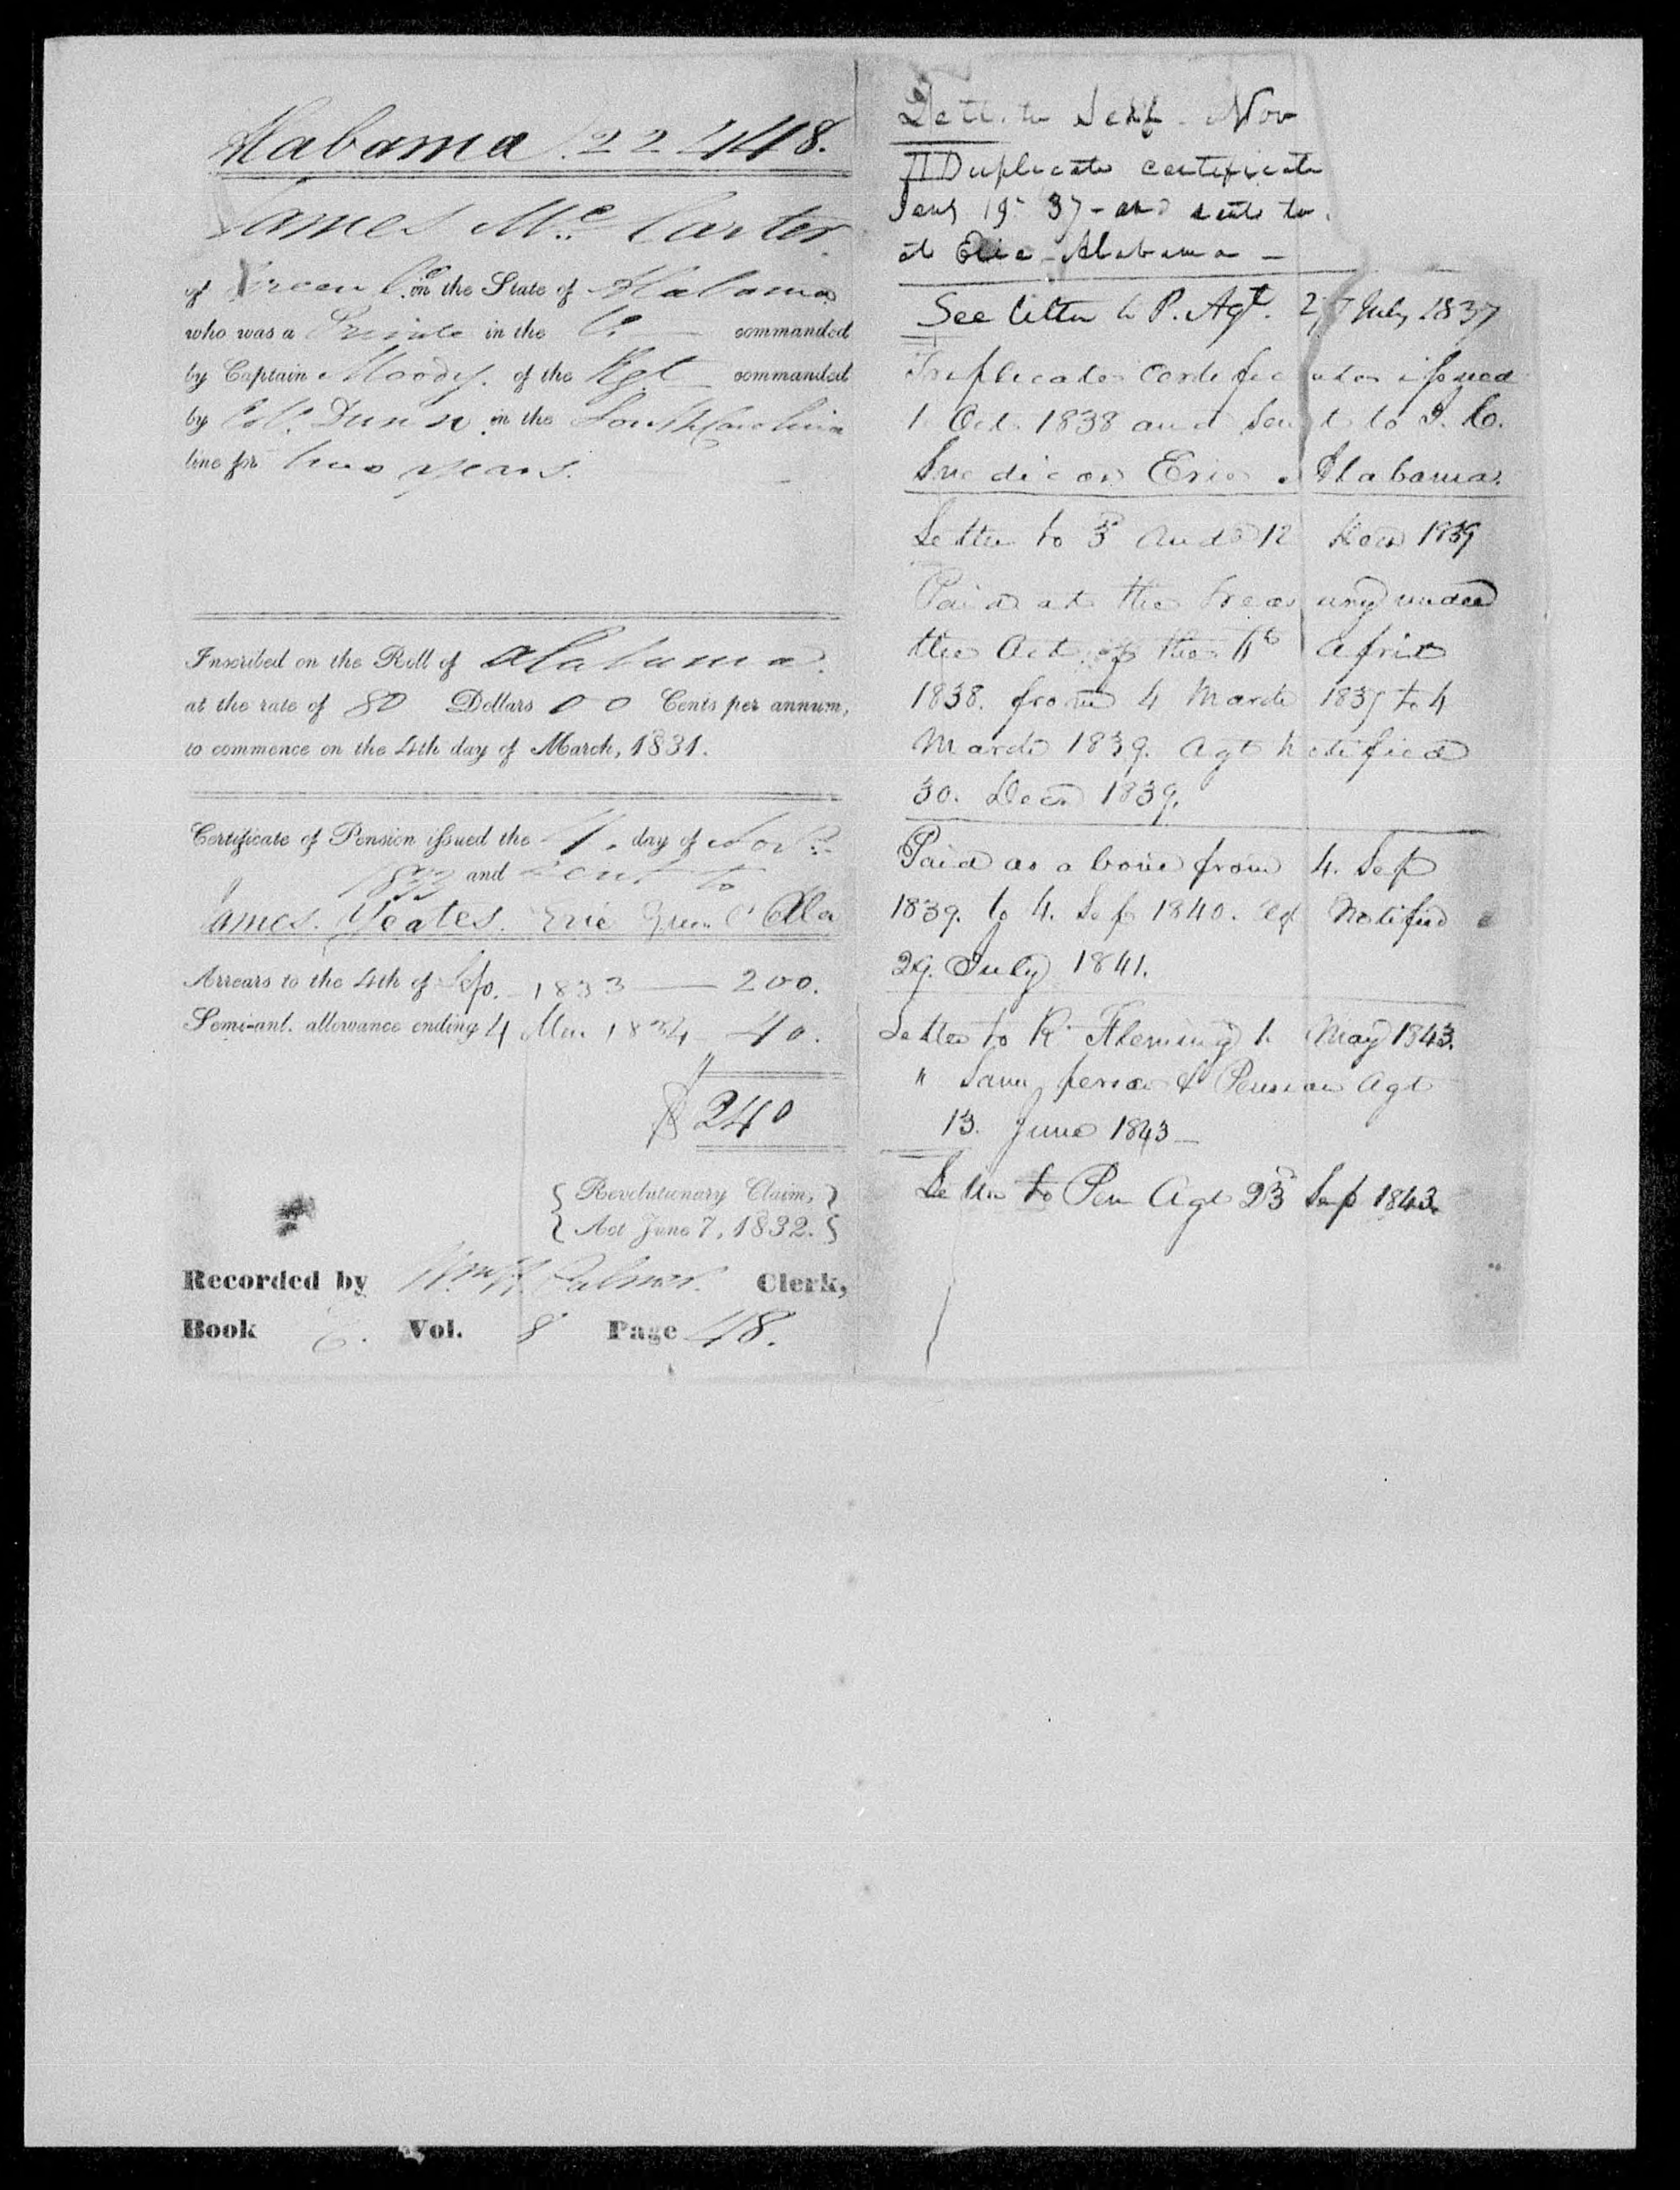[Printed document with handwritten entries]
[Left side of document]

Alabama 2248.
James McCarter of Green Co. on the State of Alabama who was a Private in the Co. commanded by Captain Moody of the Rgt commanded by Col Dunse in the South Carolina line for two years.

Inscribed on the Roll of Alabama at the rate of 80 Dollars 00 Cents per annum, to commence on the 4th day of March, 1831.

Certificate of Pension issued the 4 day of [illegible] of 1833 and sent to James Yeates Erie Green Co Ala

Arrears to the 4th of Sep 1833-- 200.
Semi-anl. allowance ending 4 Mar. 18[illegible] 40.
$240

{Revolutionary Claim, Act June 7, 1832.}

Recorded by Wm H Palmer Clerk,
Book 6. Vol. Page 48.

[Right side of document}
Lett to Self Nov II Duplicate certificate Jany 19th 37 -and sent to [illegible] Alabama-

See letter a P. Agt, 27 July 1837 Duplicate {illegible] issued 1 Oct 1838 and sent to J.C. [illegible] Erie Alabama.

Letter to 3d and 12 Nov 1859 Paid at the treasury under the act of the 6th April
1838 from 4 March 1837 to 4 March 1839. Agt Notified 30. Dec. 1839,

Paid as above from 4 Sep 1839 to 4 Sep 1840. Agt Notified 24. July 1841

Letter to R. Fleming 1 May 1843.
" same person & Pension Agt 13 June 1843

Letter to Pen Agt 23d Sep 1842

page: 2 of 45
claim: survivor's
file: S. 13,890, for James Mc Carter, South Carolina